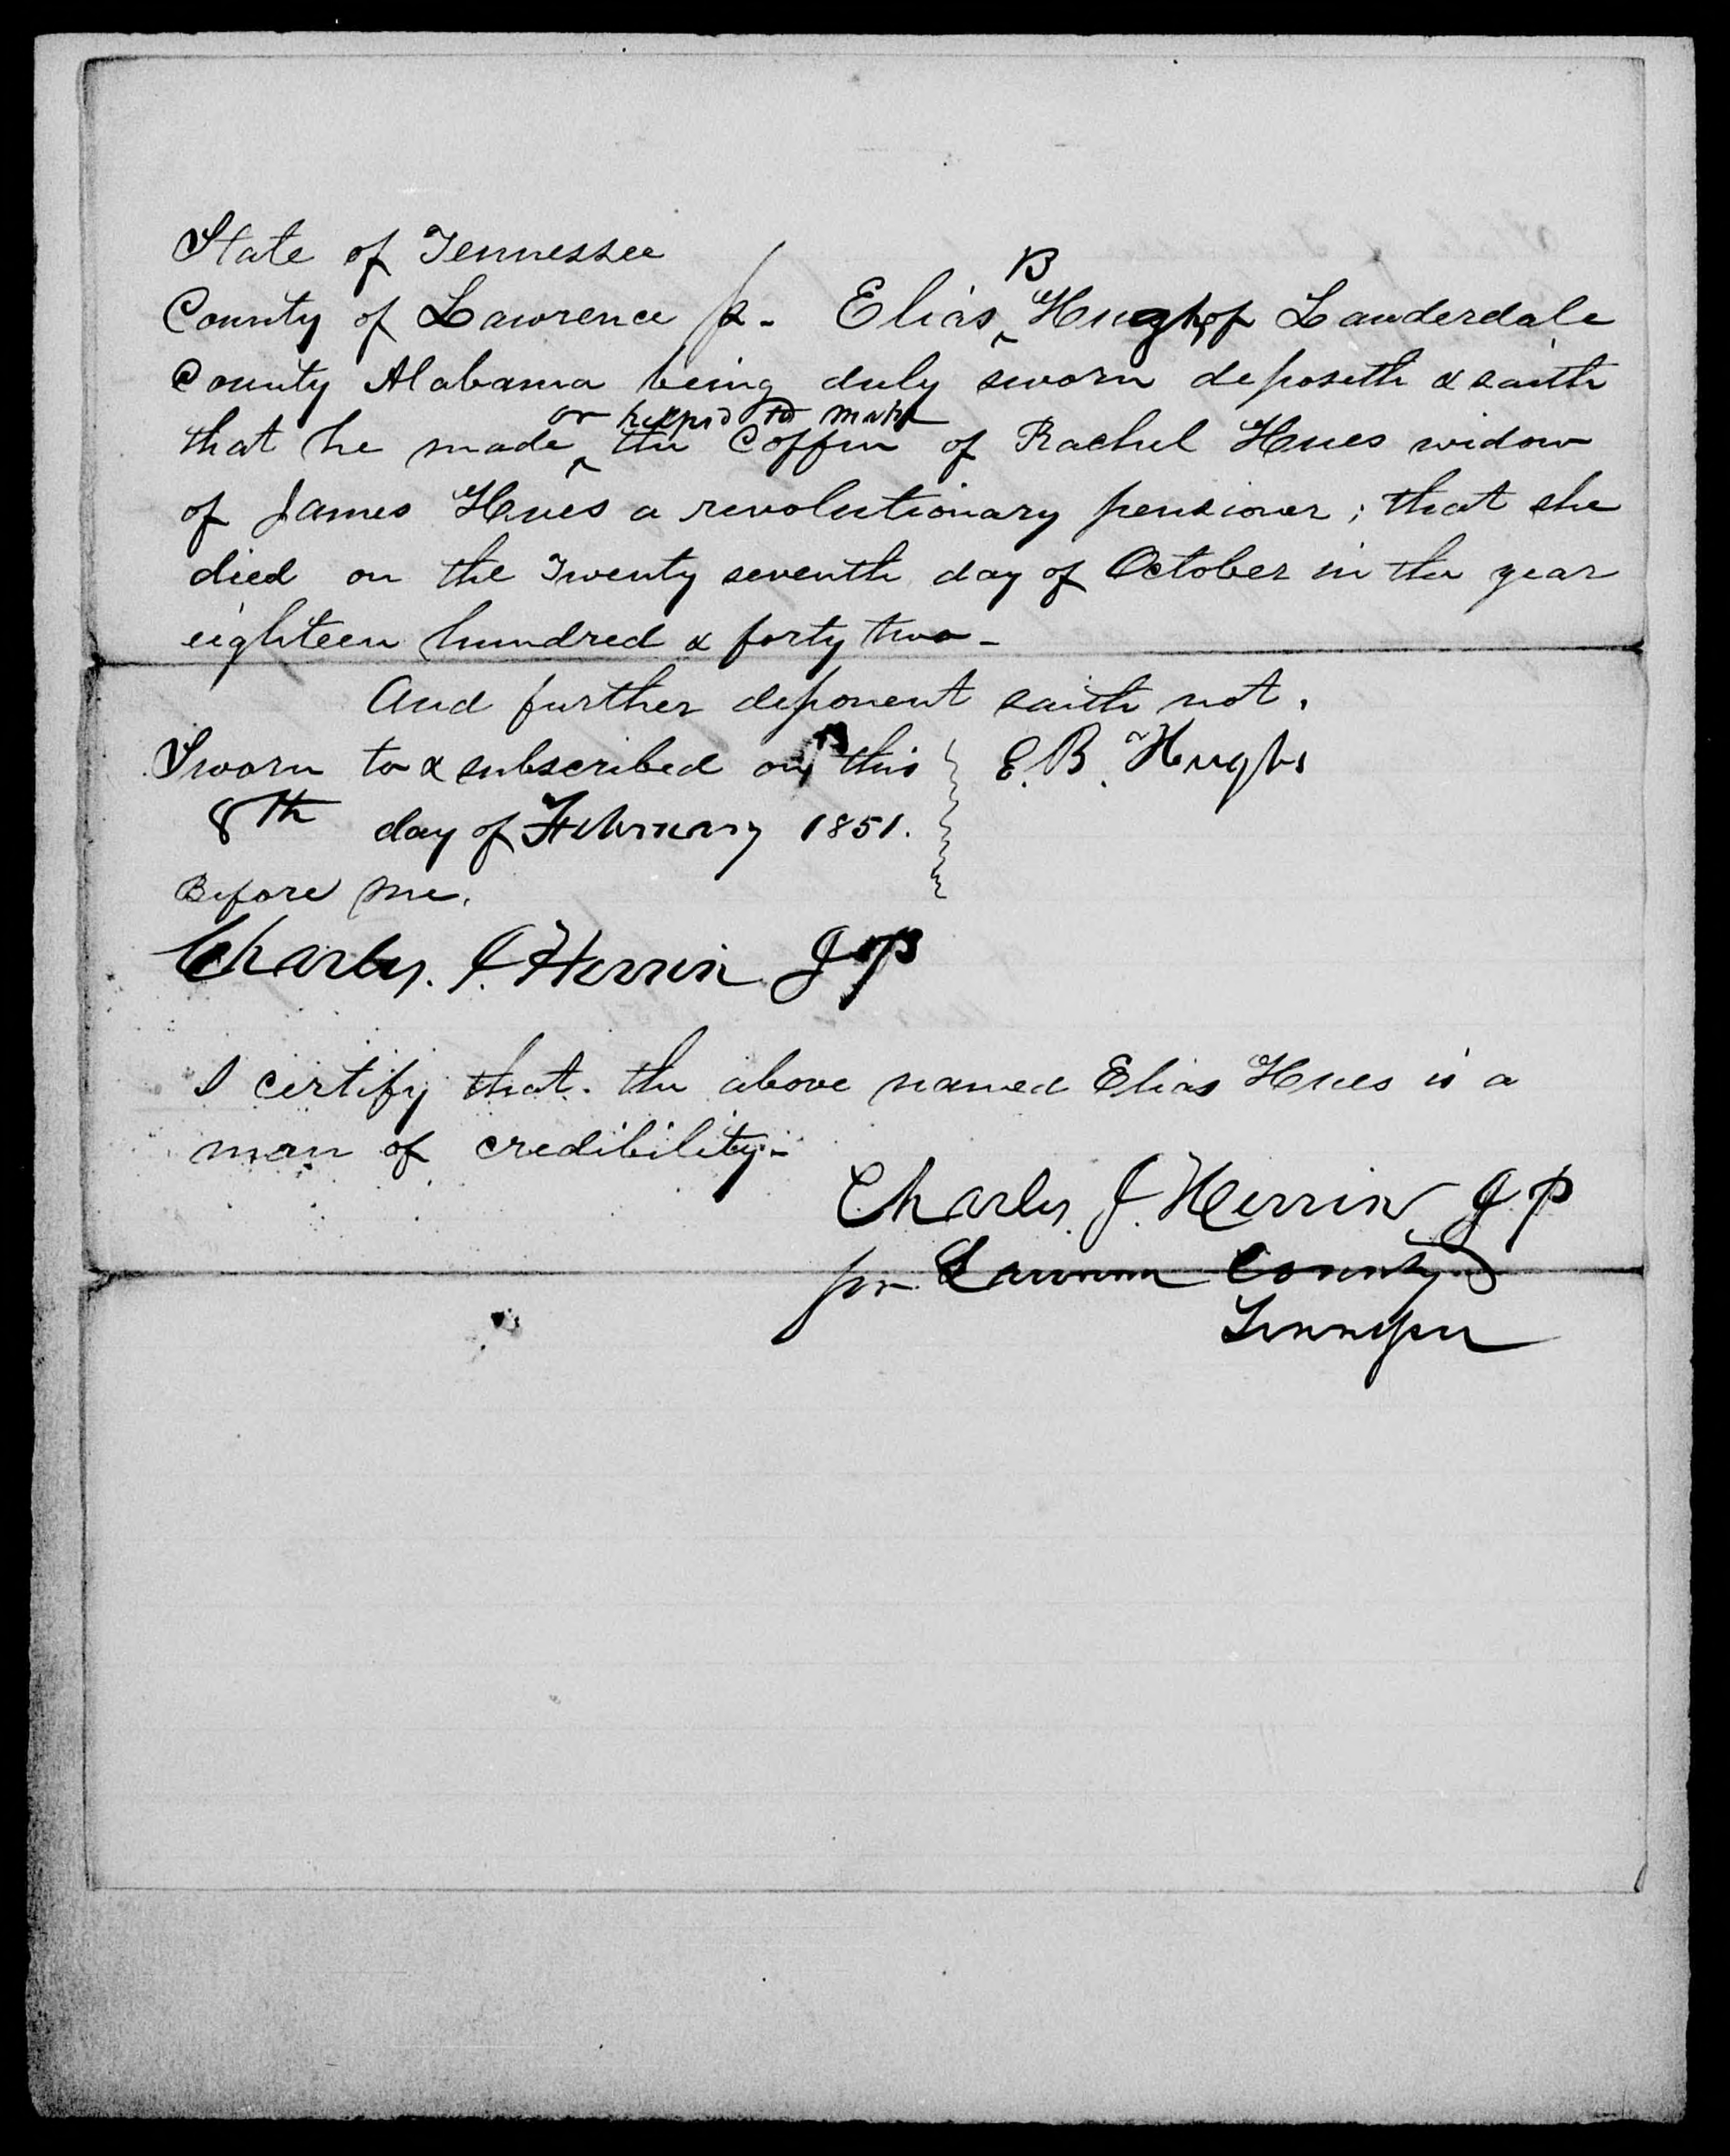State of Tennessee
County of Lawrence} SS
Elias B. Hugh, of Lauderdale County Alabama, being duly sworn deposeth & saith that he made or helped to make the coffin of Rachel Hues widow of James Hues a revolutionary pensioner; that she died on the Twenty seventh day of October in the year eighteen hundred & forty two.

And further deponent saith not.
E.B. Hughs

Sworn to & subscribed on this 8th day of February 1851
before me.
Charles J. Herrin J.P.

I certify that the above named Elias Hues is a man of credibility.
Charles J. Herrin, J.P.
for Cannon County
Tennessee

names: Rachel Hues, Elias Hues, James Hues, Charles J Herrin, Elias B Hughes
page: 9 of 24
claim: rejected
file: R. 5342, James Hues, N.C.